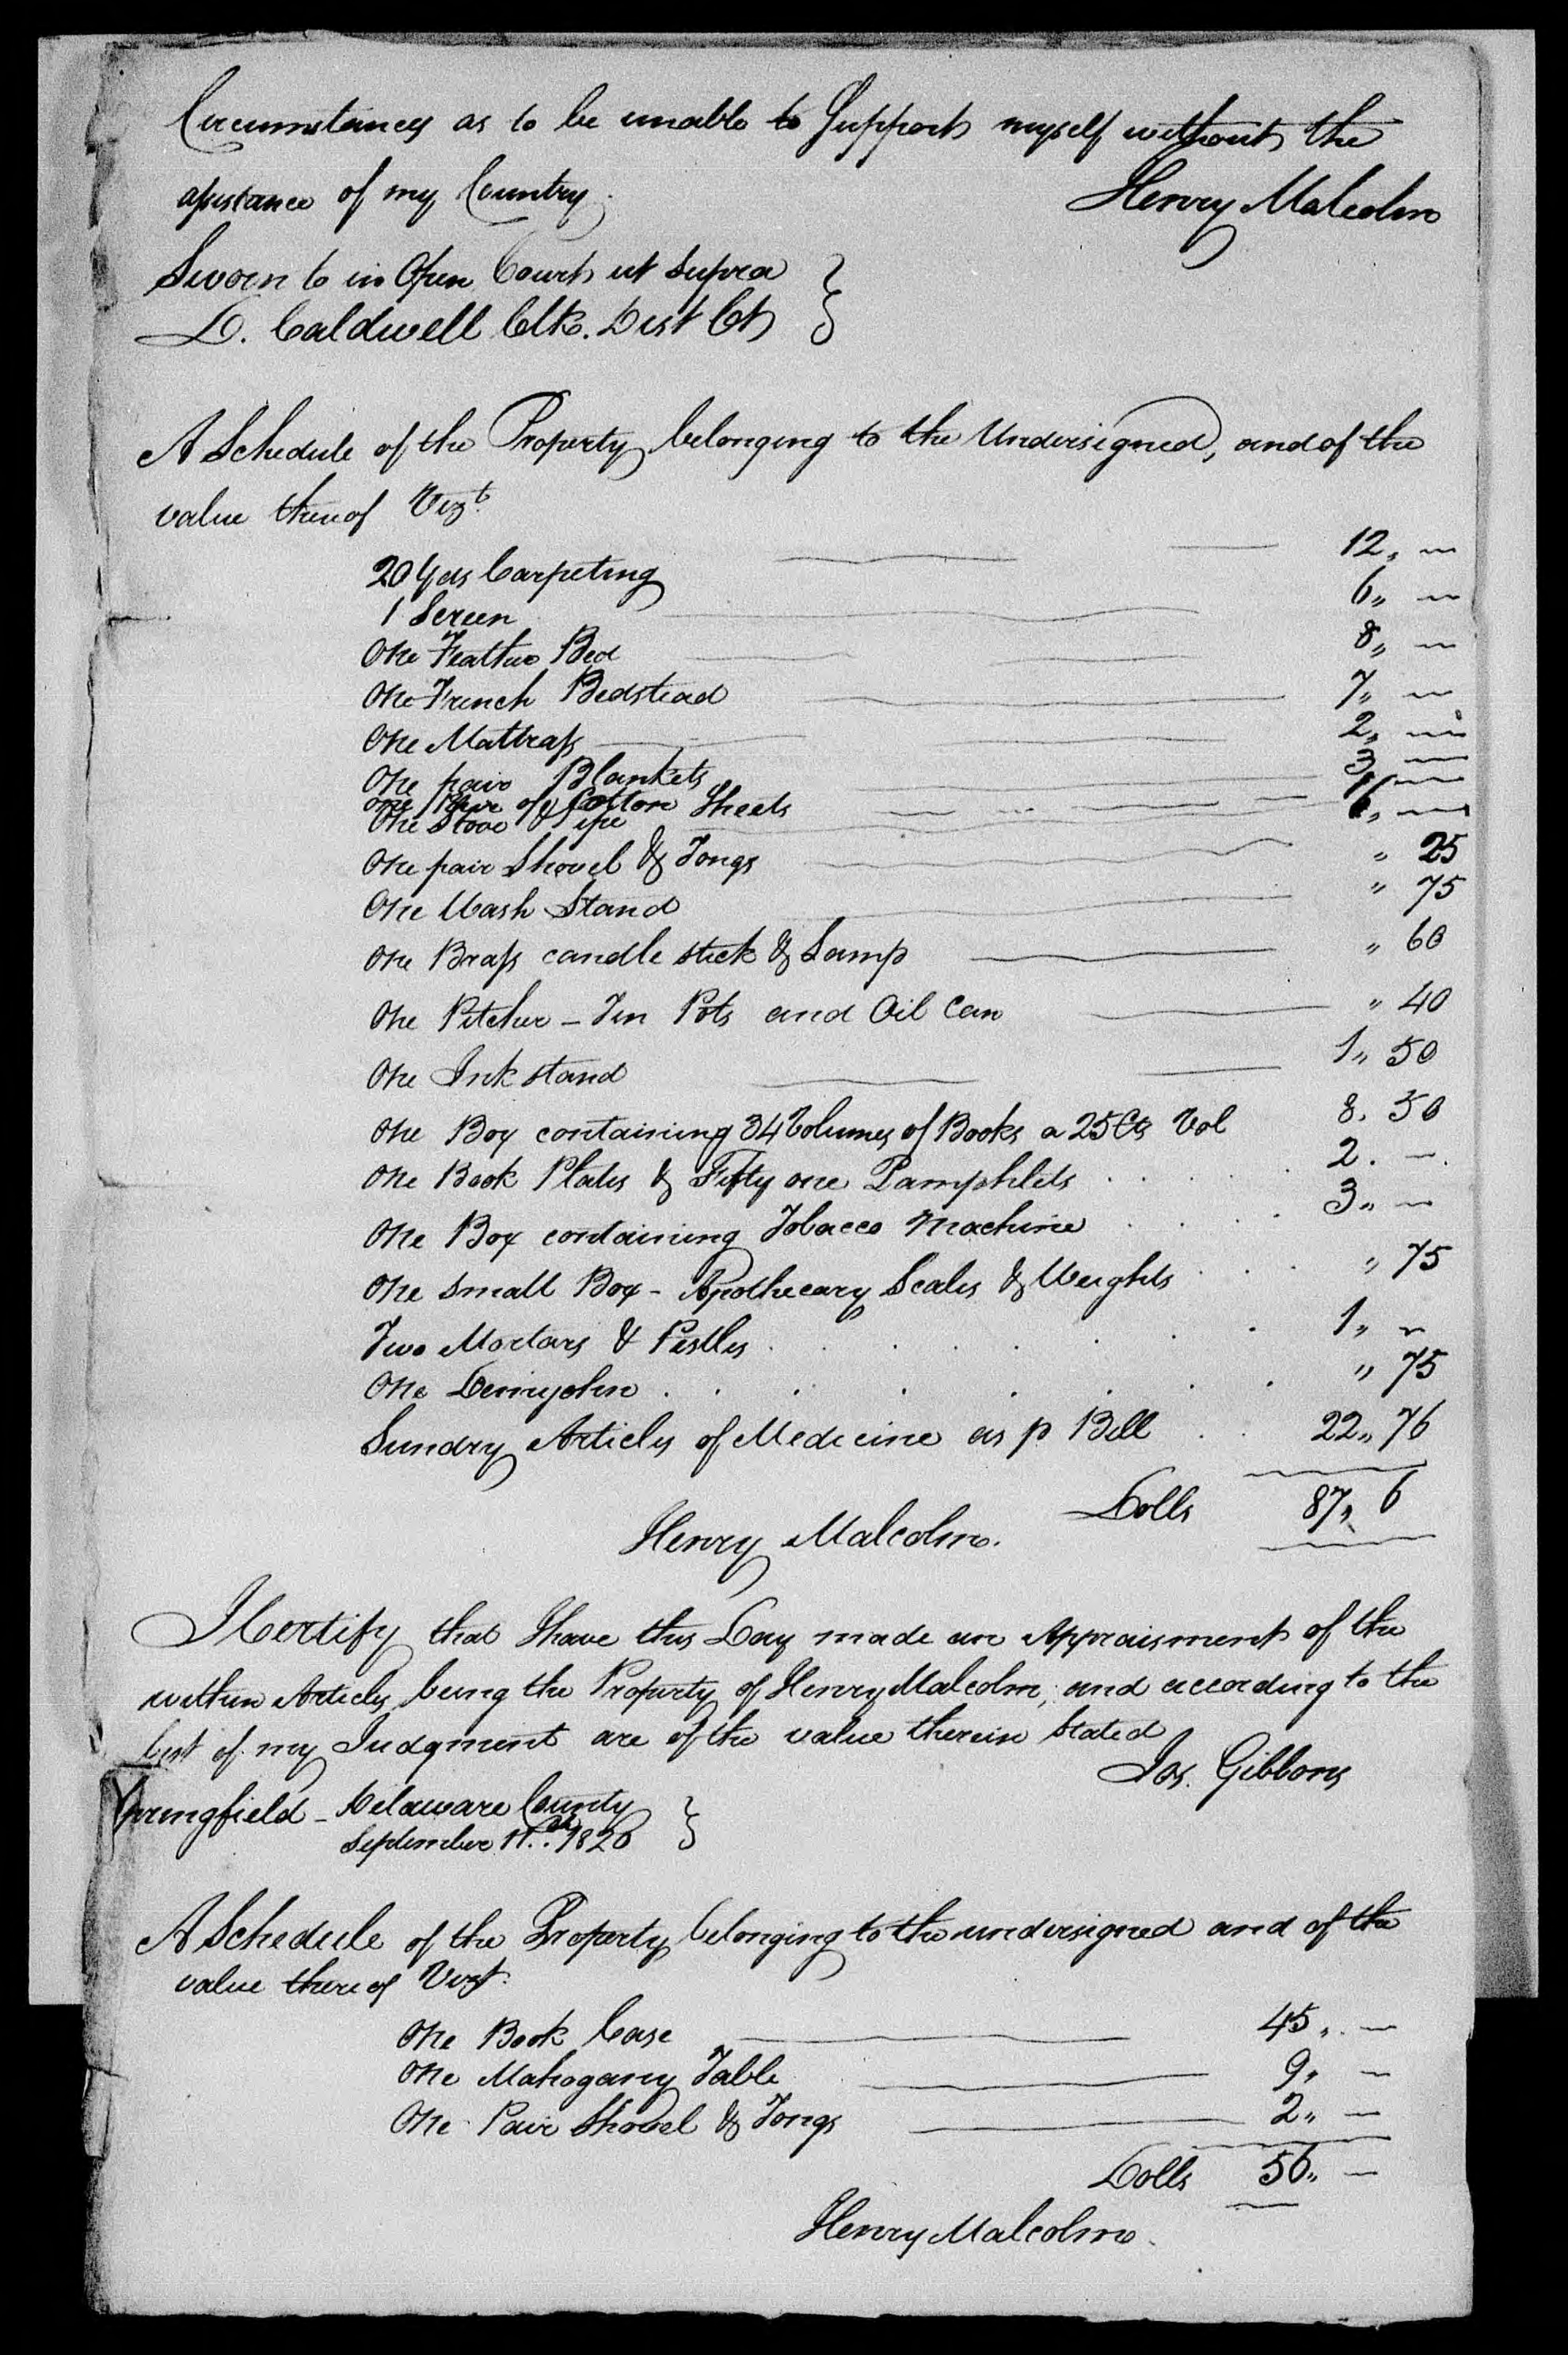Circumstances as to be unable to Support myself without the assistance of my Country.
Henry Malcolm

Sworn to in Open Court at Supra D. Caldwell Clk [Clerk] [illegible]}

A Schedule of the Property belonging to the undersigned, and of the value thereof Vizt. 
20 yds Carpeting 12, -
1 Screen  6,
One Feather Bed 8
One French Bedstead 7"
One Mattrass [Mattress]  2.
One pair Blankets  3
One Pair Cotton Sheets 1
One Stove Pipe 6.
One pair Shovel & Tongs " 25
One Wash Stand "75
One Brass Candle stick & Lamp " 60
one Pitcher. Ten Pots and oil can "40
One Inkstand 1.50
the Box containing 34 Volumes of Books a 25 cts [cents] Vol 8.50
one Book Plates & Fifty one Pamphlets 2. -
One Box containing Tobacco Machine 3,-
One small Box. Apothecary Scales & Weights "75
Two Mortars & Pestles 1.
One Demijohn " 75
Sundry articles of Medicine as to Bill 22, 76
Henry Malcolm Colls  87, 6

I Certify that I have this Day made an appraisment [appraisal] of the within Articles being the property of Henry Malcolm, and according to the best of my Judgment are of the value therein stated Jos. Gibbons
within Artie

Springfield - Delaware County September 11. 1820}

A Schedule of the property belonging to the undersigned and of the value thereof vizt: 
One Book Case 45.
one Mahogany Table 9.
One Pair Shovel & Tongs 2,-
Dolls 56.-
Henry Malcolm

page: 8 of 28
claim: survivor's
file: S. 5,048, for Henry Malcolm